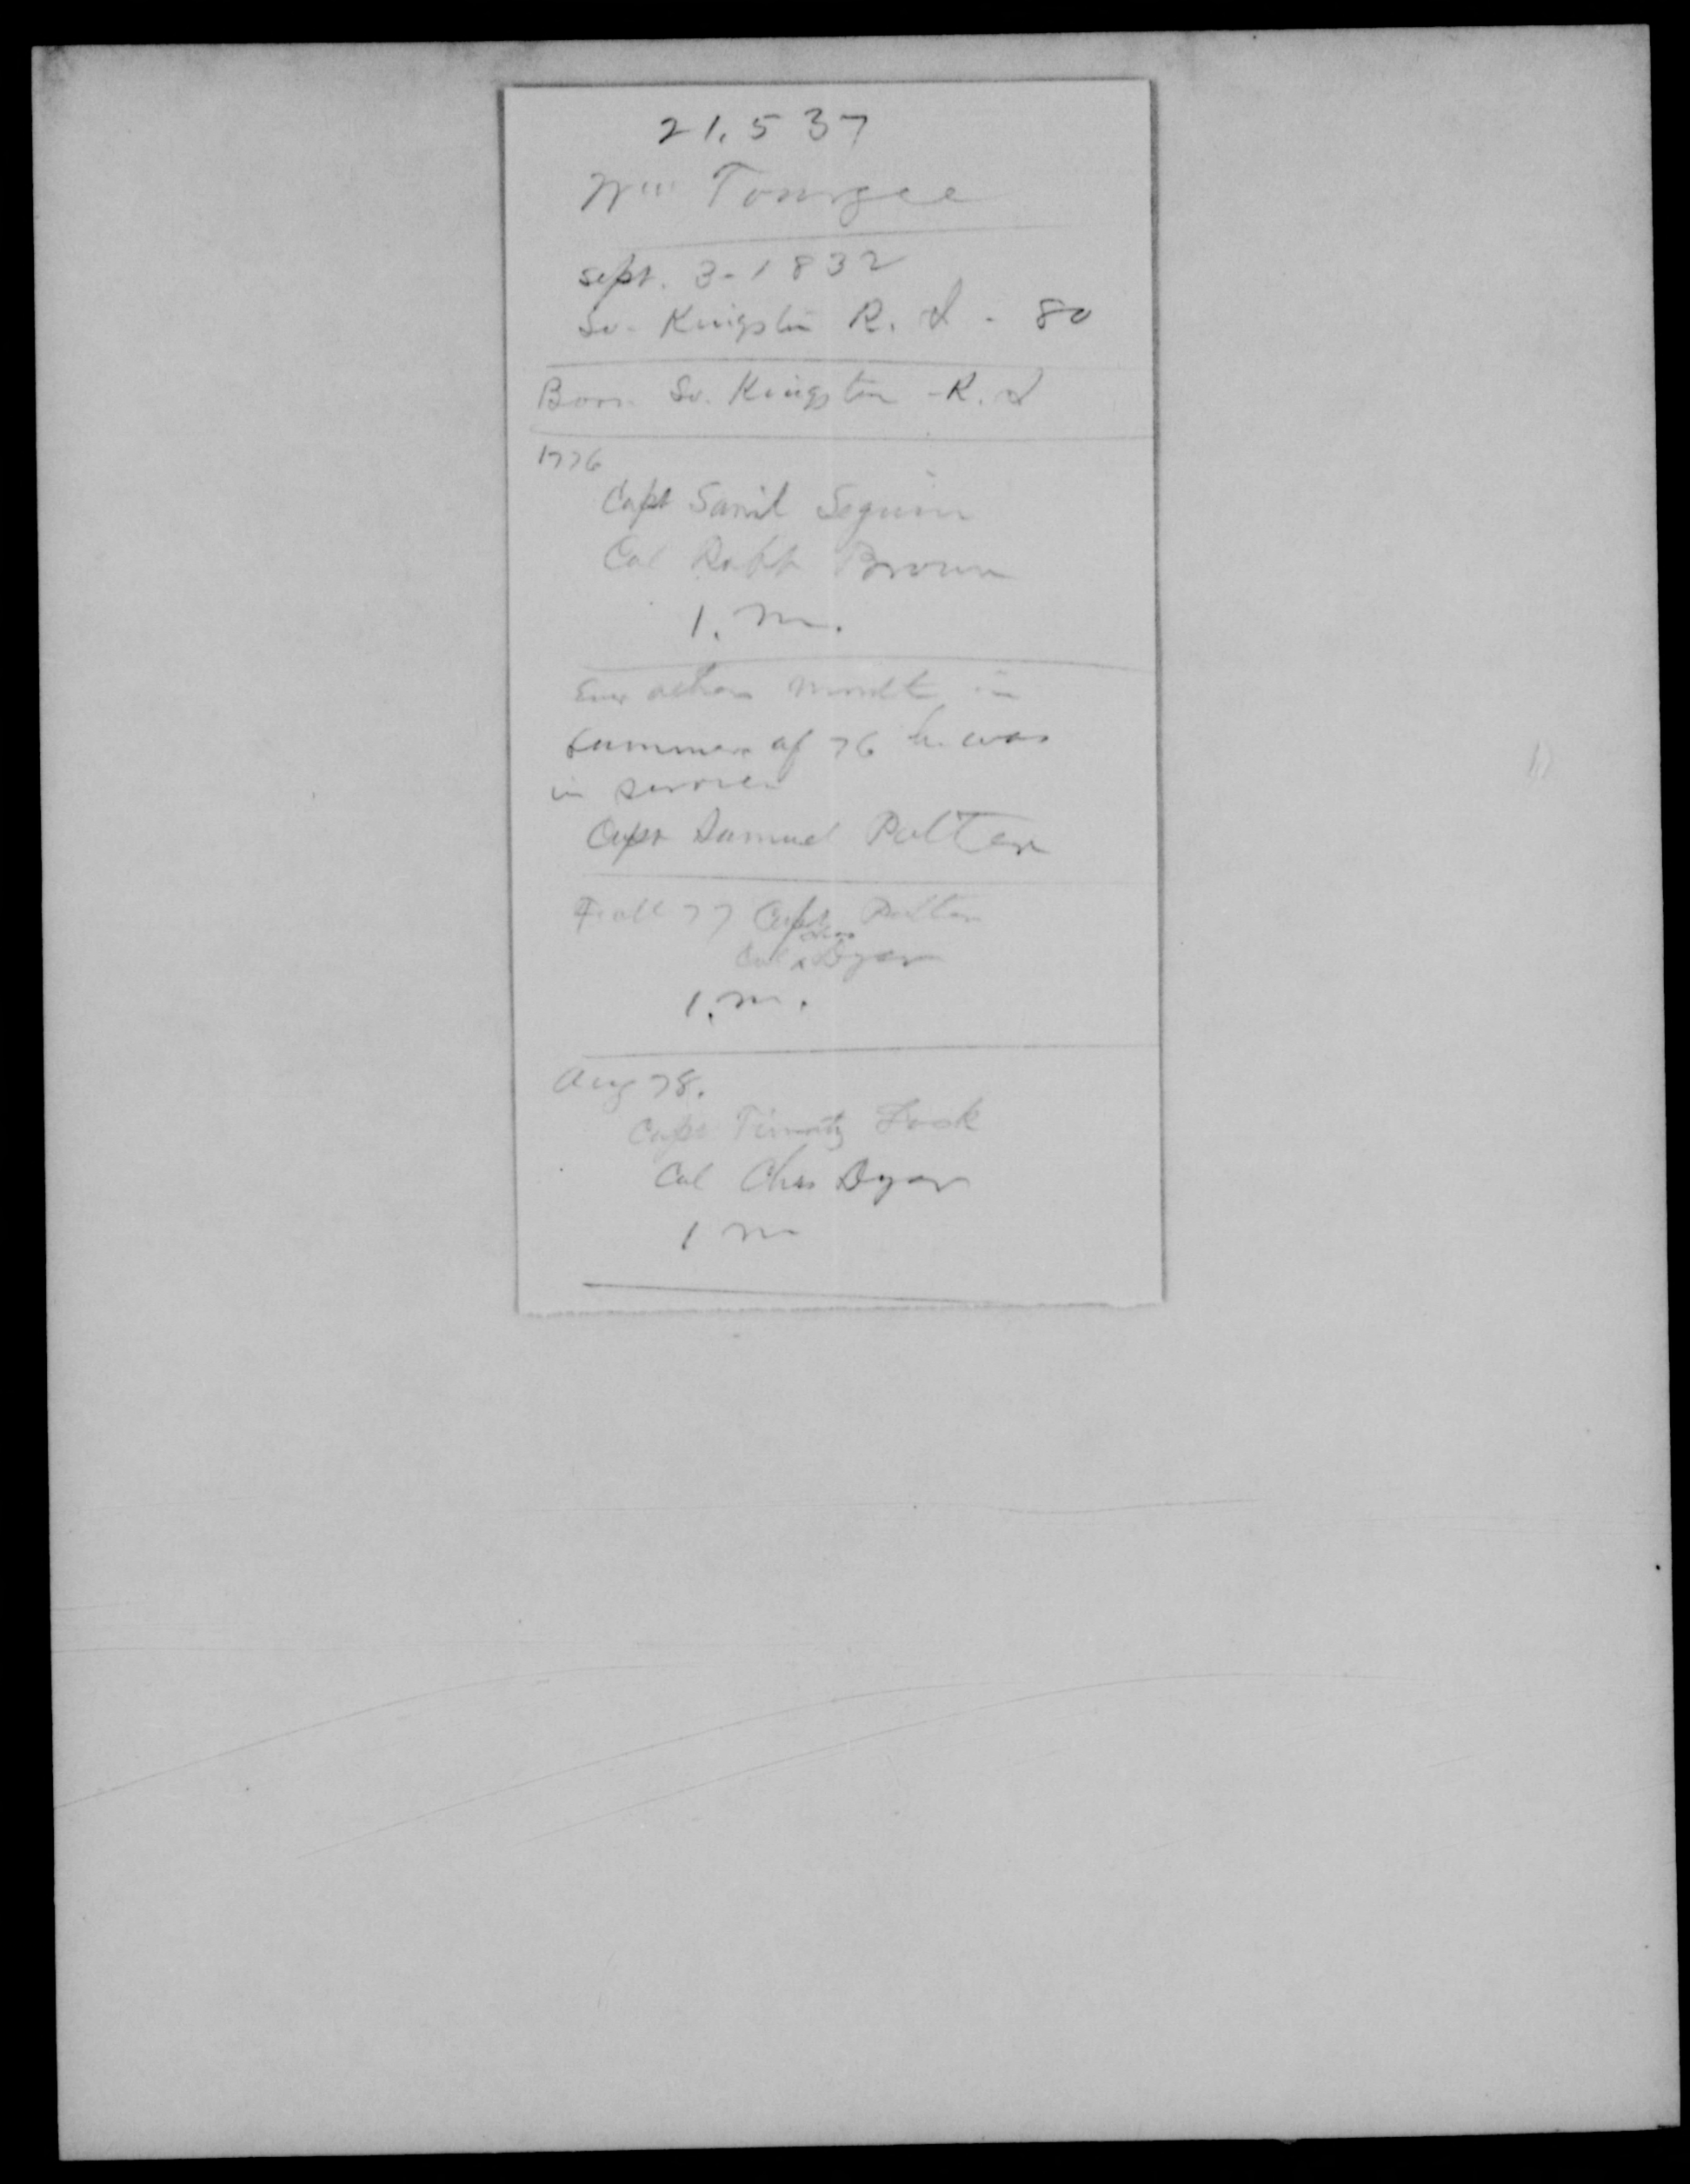21537
Wm Tourgee
Sept 3 1832
So Kingstown R. I. 80
Born So Kingstown RI.

1776 Capt Saml Seguir 
Col Robt Brown
1 mo

every other month in summer of 76 he was in service
Capt Samuel Potter

Fall 77 Capt Potter
Col Chas Dyer
1 mo

Aug 78
Capt Timothy Lock
Col Chas Dyer
1 mo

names: Timothy Lock, Chas Dyer, Robt Brown, Samuel Potter, Saml Seguin, Wm Tourgee, Potter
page: 15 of 21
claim: survivor's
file: S. 21537, William Tourgee, R.I.